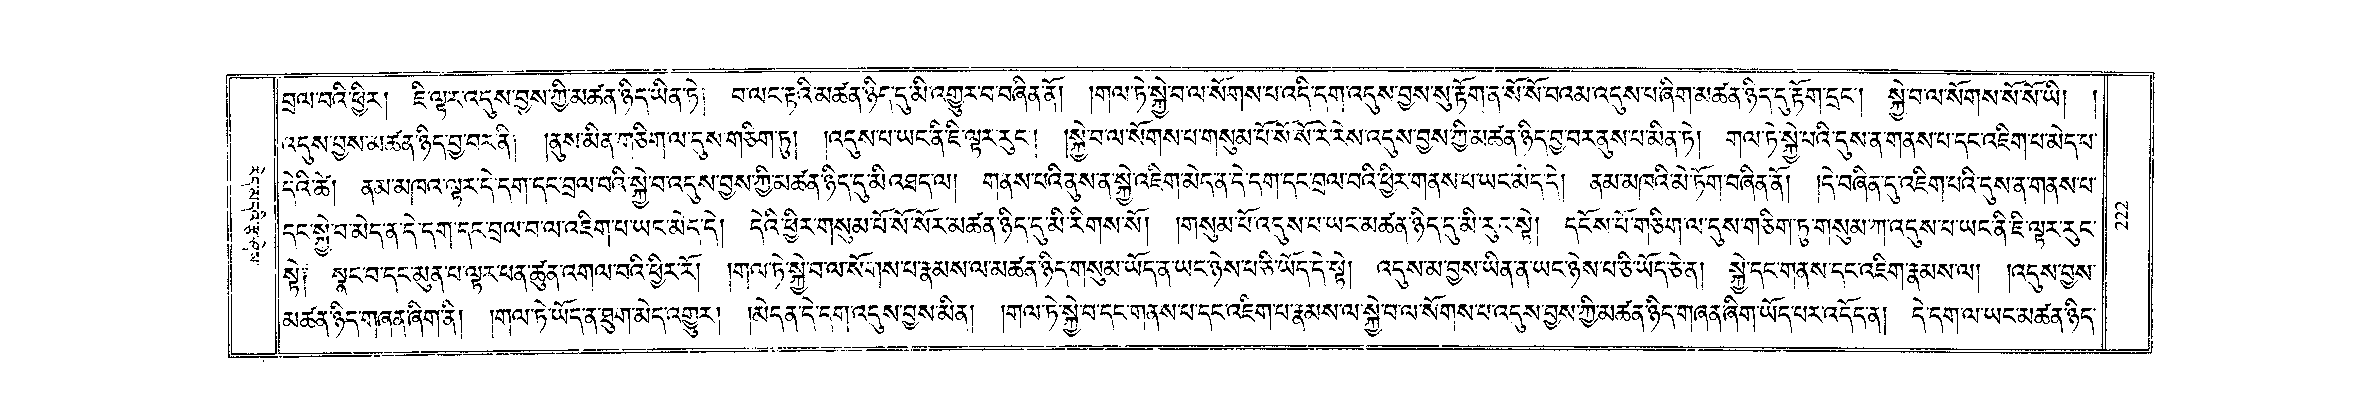བྲལ་བའི་ཕྱིར། ཇི་ལྟར་འདུས་བྱས་ཀྱི་མཚན་ཉིད་ཡིན་ཏེ། བ་ལང་རྟའི་མཚན་ཉིད་དུ་མི་འགྱུར་བ་བཞིན་ནོ། །གལ་ཏེ་སྐྱེ་བ་ལ་སོགས་པ་འདི་དག་འདུས་བྱས་སུ་རྟོག་ན་སོ་སོ་བའམ་འདུས་པ་ཞིག་མཚན་ཉིད་དུ་རྟོག་དྲང་། སྐྱེ་བ་ལ་སོགས་སོ་སོ་ཡི། །
འདུས་བྱས་མཚན་ཉིད་བྱ་བར་ནི། །ནུས་མིན་གཅིག་ལ་དུས་གཅིག་ཏུ། །འདུས་པ་ཡང་ནི་ཇི་ལྟར་རུང་། །སྐྱེ་བ་ལ་སོགས་པ་གསུམ་པོ་སོ་སོ་རེ་རེས་འདུས་བྱས་ཀྱི་མཚན་ཉིད་བྱ་བར་ནུས་པ་མིན་ཏེ། གལ་ཏེ་སྐྱེ་པའི་དུས་ན་གནས་པ་དང་འཇིག་པ་མེད་པ་
དེའི་ཚེ། ནམ་མཁའ་ལྟར་དེ་དག་དང་བྲལ་བའི་སྐྱེ་བ་འདུས་བྱས་ཀྱི་མཚན་ཉིད་དུ་མི་འཐད་ལ། གནས་པའི་ནུས་ན་སྐྱེ་འཇིག་མེད་ན་དེ་དག་དང་བྲལ་བའི་ཕྱིར་གནས་པ་ཡང་མེད་དེ། ནམ་མཁའི་མེ་ཏོག་བཞིན་ནོ། །དེ་བཞིན་དུ་འཇིག་པའི་དུས་ན་གནས་པ་
དང་སྐྱེ་བ་མེད་ན་དེ་དག་དང་བྲལ་བ་ལ་འཇིག་པ་ཡང་མེད་དེ། དེའི་ཕྱིར་གསུམ་པོ་སོ་སོར་མཚན་ཉིད་དུ་མི་རིགས་སོ། །གསུམ་པོ་འདུས་པ་ཡང་མཚན་ཉིད་དུ་མི་རུང་སྟེ། དངོས་པོ་གཅིག་ལ་དུས་གཅིག་ཏུ་གསུམ་ཀ་འདུས་པ་ཡང་ནི་ཇི་ལྟར་རུང་
སྟེ༑ སྣང་བ་དང་མུན་པ་ལྟར་ཕན་ཚུན་འགལ་བའི་ཕྱིར་རོ། །གལ་ཏེ་སྐྱེ་བ་ལ་སོགས་པ་རྣམས་ལ་མཚན་ཉིད་གསུམ་ཡོད་ན་ཡང་ཉེས་པ་ཅི་ཡོད་དེ་སྟེ། འདུས་མ་བྱས་ཡིན་ན་ཡང་ཉེས་པ་ཅི་ཡོད་ཅེ་ན། སྐྱེ་དང་གནས་དང་འཇིག་རྣམས་ལ། །འདུས་བྱས་
མཚན་ཉིད་གཞན་ཞིག་ནི། །གལ་ཏེ་ཡོད་ན་ཐུག་མེད་འགྱུར། །མེད་ན་དེ་དག་འདུས་བྱས་མིན། །གལ་ཏེ་སྐྱེ་བ་དང་གནས་པ་དང་འཇིག་པ་རྣམས་ལ་སྐྱེ་བ་ལ་སོགས་པ་འདུས་བྱས་ཀྱི་མཚན་ཉིད་གཞན་ཞིག་ཡོད་པར་འདོད་ན། དེ་དག་ལ་ཡང་མཚན་ཉིད་